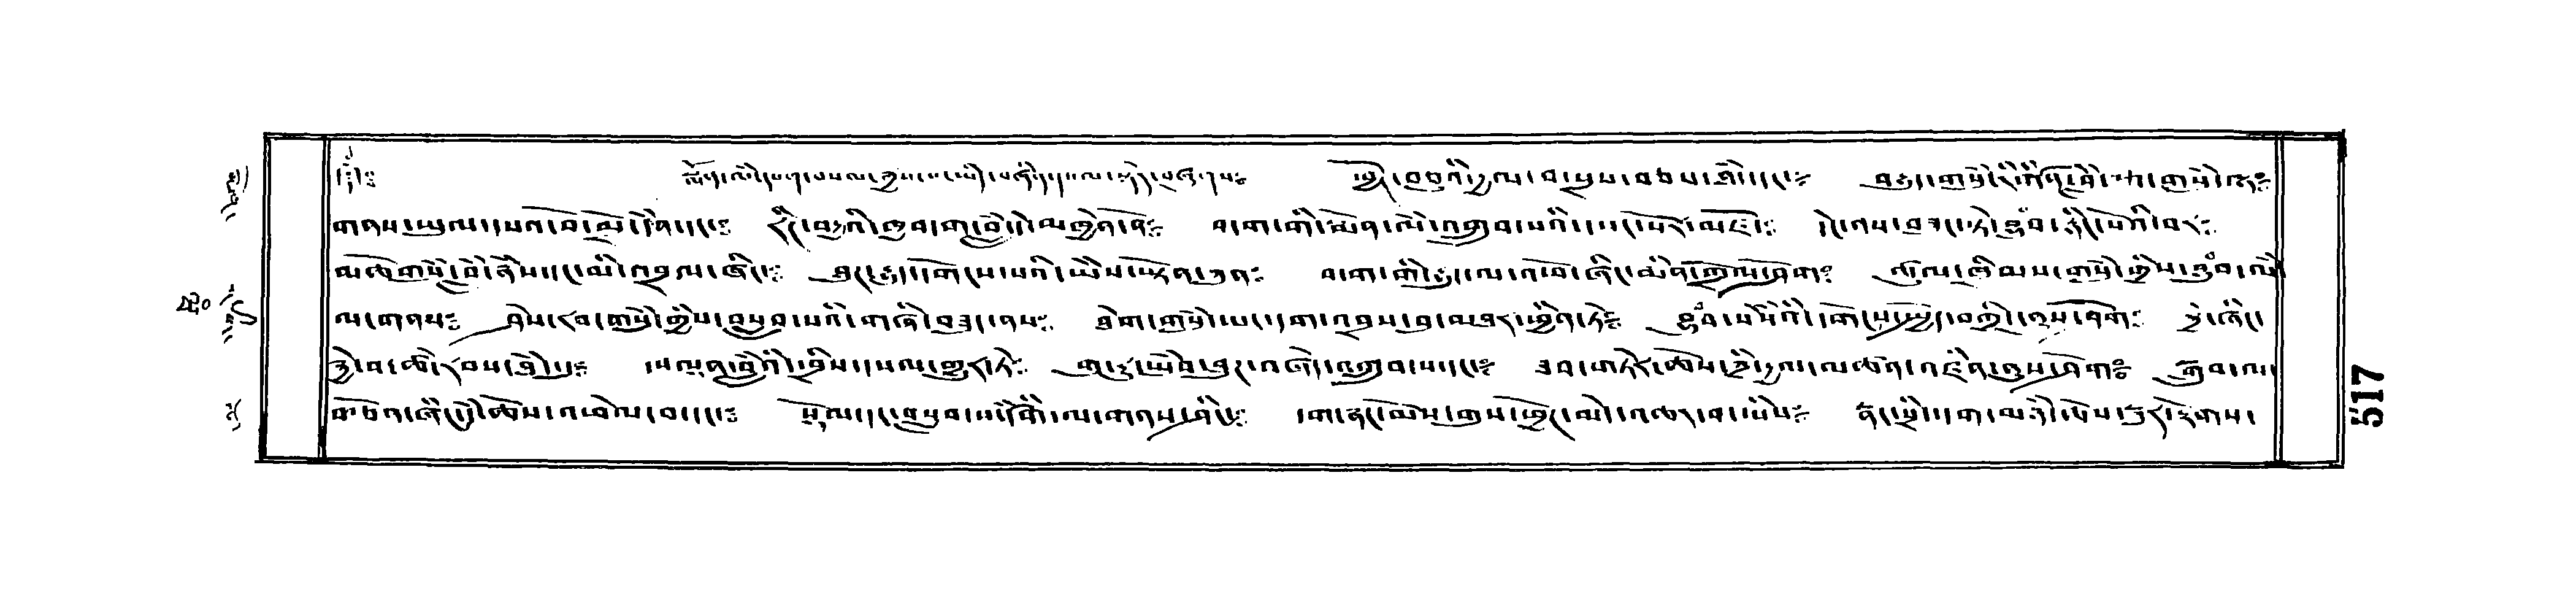སྨོན་ལམ་དཔག་བསམ་རྒྱས་པ་ཡིད་བཞིན་དཔལ་སྟེར་བཞུགས༔ ཕྱོགས་བཅུའི་རྒྱལ་བ་སྲས་བཅས་ཐམས་ཅད་དང༔ བརྒྱུད་གསུམ་རིག་འཛིན་བླ་མ་རྩ་གསུམ་ལྷ༔ 
གནས་ཡུལ་དཔའ་བོ་མཁའ་འགྲོ་དམ་ཅན་དང༔ རིགས་བརྒྱའི་ཁྱབ་བདག་བླ་མ་དེ་མཁྱེན་ནོ༔ བདག་གི་སྨོན་ལམ་འགྲུབ་པའི་དབང་པོ་མཛོད༔ དེང་ནས་བཟུང་སྟེ་བྱང་ཆུབ་སྙིང་པོའི་བར༔ 
མཆོག་གསུམ་བླ་མ་རྣམས་དང་མི་འབྲལ་ཞིང༔ ཐུགས་རྒྱུད་དགོངས་པའི་ཡེ་ཤེས་ཡོན་ཏན་ཀུན༔ བདག་གི་རྒྱུད་ལ་འཕོ་ཞིང་སྨིན་གྲོལ་ཤོག༔ ཚུལ་ཁྲིམས་གསུམ་གྱིས་བྱང་ཆུབ་ལམ་
ལ་གནས༔ ཤེས་རབ་གསུམ་གྱིས་བསླབ་པའི་གཞི་བཟུང་ནས༔ ཐེག་གསུམ་ཡང་དག་འབྲས་བུ་མཐར་ཕྱིན་ཏེ༔ བྱང་ཆུབ་སེམས་དཔའི་དགོངས་སྤྱོད་བགྱི་ནུས་ཤོག༔ སྐྱེ་ཞིང་
སྐྱེ་བ་ཚེ་རབས་ཐམས་ཅད་དུ༔ དཔལ་ལྡན་བླ་མའི་ཕྲིན་ལས་དཔལ་གྱུར་ཏེ༔ གུ་རུ་ཡབ་ཡུམ་ཐུགས་བཞེད་འགྲུབ་པ་དང༔ ཟབ་གཏེར་ཆོས་ཀྱི་རྒྱལ་མཚན་འཛིན་ནུས་ཤོག༔ སྒྲུབ་ལ་
བརྩོན་ཞིང་དམ་ཆོས་འཕེལ་བ་དང༔ སྡོམ་དང་བསླབ་པ་དམ་ཚིག་ལ་གནས་ཤིང༔ དག་སྣང་མོས་གུས་ཕྱོགས་མེད་འཆར་བ་ཡིས༔ སྣང་སྲིད་དག་མཉམ་ཆོས་སྐུར་རྟོགས་